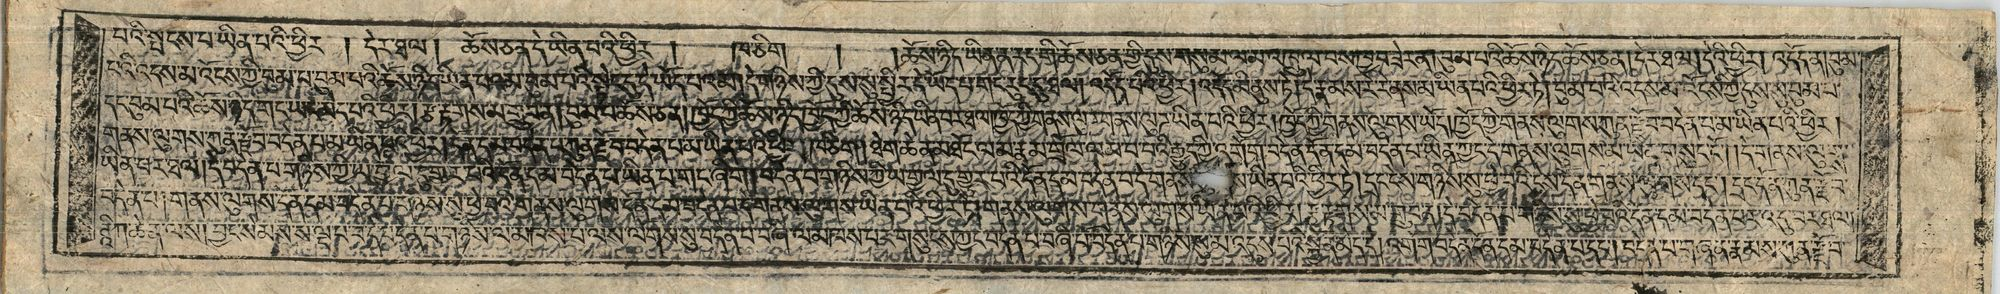པའི་སྤངས་པ་ཡིན་པའི་ཕྱིར། དེར་ཐལ། ཆོས་ཅན་དེ་ཡིན་པའི་ཕྱིར། ཁ་ཅིག །ཆོས་ཉིད་ཡིན་ན་རང་གི་ཆོས་ཅན་གྱི་དུས་གསུམ་ལ་མ་འཁྲུལ་བས་ཁྱབ་ཟེར་ན། བུམ་པའི་ཆོས་ཉིད་ཆོས་ཅན། དེར་ཐལ། དེའི་ཕྱིར། འདོད་ན། བུམ་
པའི་འདས་མ་འོངས་ཀྱི་བུམ་པ་བུམ་པའི་ཆོས་ཉིད་ཡིན་པའམ་བུམ་པའི་སྟེང་དུ་དེ་ཡོད་པའམ། དེ་གཉིས་ཀྱི་དུས་སུ་སྤྱིར་དེ་ཡོད་པ་གང་རུང་དུ་ཐལ། འདོད་པའི་ཕྱིར། འདོད་མི་ནུས་ཏེ། དེ་རྣམས་རེ་རེ་ནས་མ་ཡིན་པའི་ཕྱིར་ཏེ། བུམ་པའི་འདས་མ་འོངས་ཀྱི་དུས་སུ་བུམ་པ་
དང་བུམ་པའི་ཆོས་ཉིད་གང་ཡང་མེད་པའི་ཕྱིར། རྩ་རྟགས་མ་གྲུབ་ན། བུམ་པ་ཆོས་ཅན། ཁྱོད་ཀྱི་ཆོས་ཉིད་ཁྱོད་ཀྱི་ཆོས་ཉིད་ཡིན་པར་ཐལ། ཁྱོད་ཀྱི་གནས་ལུགས་གནས་ལུགས་ཡིན་པའི་ཕྱིར། ཁྱོད་ཀྱི་གནས་ལུགས་ཡོད། ཁྱོད་ཀྱི་གནས་ལུགས་ཀུན་རྫོབ་བདེན་པ་མ་ཡིན་པའི་ཕྱིར།
གནས་ལུགས་ཀུན་རྫོབ་བདེན་པ་མ་ཡིན་པའི་ཕྱིར། དོན་དམ་བདེན་པ་ཀུན་རྫོབ་བདེན་པ་མ་ཡིན་པའི་ཕྱིར། ཁ་ཅིག །ཐེག་ཆེན་མཐོང་ལམ་རྣམ་གྲོལ་ལམ་པ་པའི་རྒྱུད་ཀྱི་འགོག་བདེན་དོན་དམ་བདེན་པ་ཡིན་ཀྱང་དེ་གནས་ལུགས་མ་ཡིན་གསུང་ངོ། །དེ་གནས་ལུགས་
ཡིན་པར་ཐལ། དེ་བདེན་པ་གཉིས་གྱི་ཡ་གྱལ་དུ་གྱུར་པའི་དོན་དམ་བདེན་པ་ཡིན་པ་གང་ཞིག །བདེན་པ་གཉིས་ཀྱི་ཡ་གྱལ་དུ་གྱུར་པའི་དོན་དམ་བདེན་པ་དེ་གནས་ལུགས་ཡིན་པའི་ཕྱིར་ཏེ། དྲང་ངེས་གཉིས་སུ་ཕྱེ་བའི་ངེས་དོན་གནས་ལུགས་དང་། དྲང་དོན་ཀུན་རྫོབ་
བདེན་པ། གནས་ལུགས་དོན་དམ་བདེན་པ་གཉིས་སུ་ཕྱེ་བའི་གནས་ལུགས་དོན་དམ་བདེན་པ་དེ་གནས་ལུགས་ཡིན་པའི་ཕྱིར་ཏེ། གནས་ལུགས་གནས་ལུགས་ཡིན་པའི་ཕྱིར། རྩ་རྟགས་མ་གྲུབ་ན། དེ་བདེན་པ་གཉིས་སུ་ཕྱེ་བའི་དོན་དམ་བདེན་པར་འདུ་བར་ཐལ།
ཊཱིཀཆེན་ལས། བྱང་སེམས་ས་ལྔ་པ་བ་དེ་བདེན་པ་གཉིས་ལམ་ཁས་པ་ལས་ལོགས་སུ་བདེན་པ་བཞི་ལ་མཁས་པར་གསུངས་ཀྱང་བདེན་པ་བཞི་པོ་བདེན་པ་གཉིས་སུ་མ་འདུས་བའི་སྐྱོན་མེད་དེ། འགོག་བདེན་དོན་དམ་བདེན་པ་དང་། བདེན་པ་གཞན་རྣམས་ཀུན་རྫོབ་